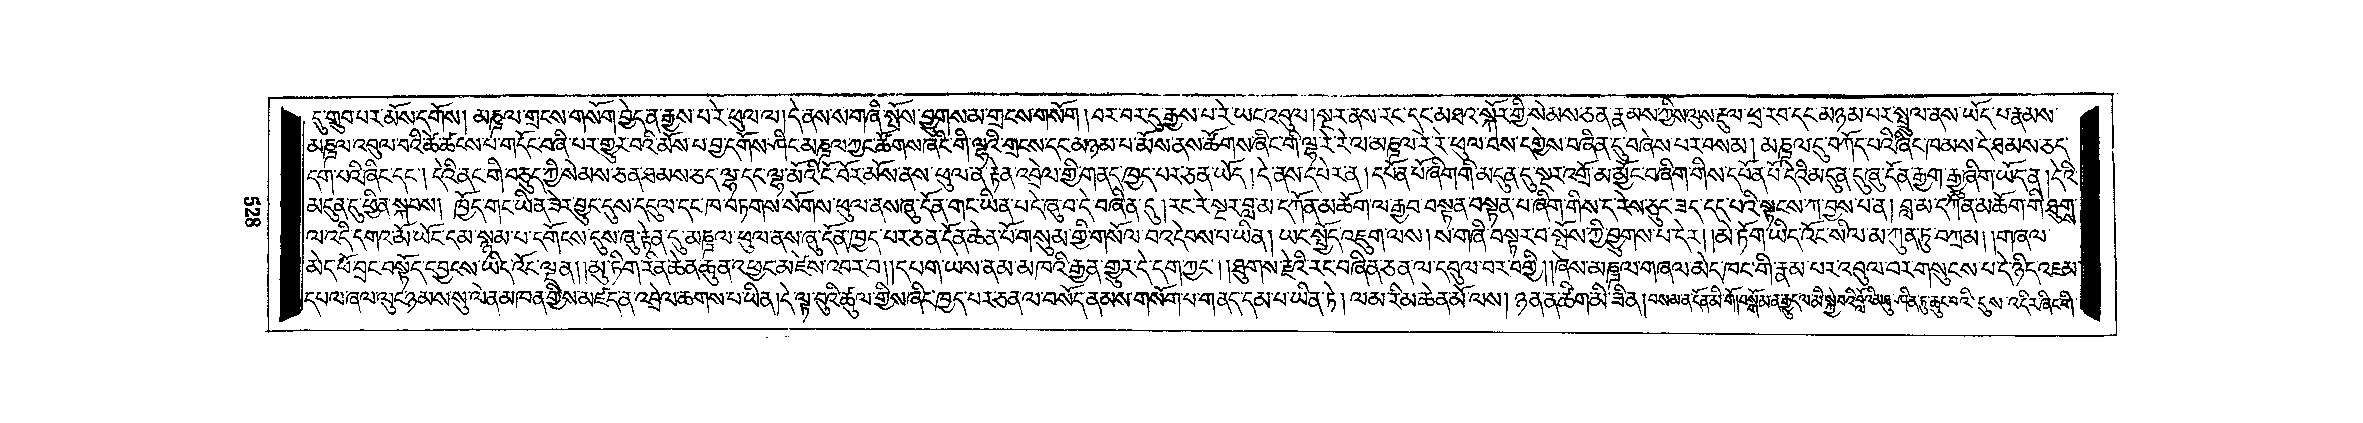དུ་གྲུབ་པར་མོས་དགོས། མཎྜལ་གྲངས་གསོག་བྱེད་ན་རྒྱས་པ་རེ་ཕུལ་ལ། དེ་ནས་ས་གཞི་སྤོས་བྱུགས་མ་གྲངས་གསོག །བར་བར་དུ་རྒྱས་པ་རེ་ཡང་འབུལ། སྔར་ནས་རང་དང་མཐའ་སྐོར་གྱི་སེམས་ཅན་རྣམས་ཀྱིས་ལུས་རྡུལ་ཕྲ་རབ་དང་མཉམ་པར་སྤྲུལ་ནས་ཡོད་པ་རྣམས་
མཎྜལ་འབུལ་བའི་ཚེ་ཚངས་པ་གདོང་བཞི་པར་གྱུར་བའི་མོས་པ་བྱ་དགོས་ཤིང་མཎྜལ་ཀྱང་ཚོགས་ཞིང་གི་ལྷའི་གྲངས་དང་མཉམ་པ་མོས་ནས་ཚོགས་ཞིང་གི་ལྷ་རེ་རེ་ལ་མཎྜལ་རེ་རེ་ཕུལ་བས་དགྱེས་བཞིན་དུ་བཞེས་པར་བསམ། མཎྜལ་དུ་བཀོད་པའི་ཞིང་ཁམས་དེ་ཐམས་ཅད་
དག་པའི་ཞིང་དང་། དེའི་ནང་གི་བཅུད་ཀྱི་སེམས་ཅན་ཐམས་ཅད་ལྷ་དང་ལྷ་མོའི་ངོ་བོར་མོས་ནས་ཕུལ་ན་རྟེན་འབྲེལ་གྱི་གནད་ཁྱད་པར་ཅན་ཡོད། དེ་ནས་དཔེར་ན། དཔོན་པོ་ཞིག་གི་མདུན་དུ་སྔར་འགྲོ་མ་མྱོང་བ་ཞིག་གིས་དཔོན་པོ་དེའི་མདུན་དུ་ཞུ་དོན་རྒྱག་རྒྱུ་ཞིག་ཡོད་ན། དེའི་
མདུན་དུ་ཕྱིན་སྐབས། ཁྱོད་གང་ཡིན་ཟེར་བྱུང་དུས་དངུལ་དང་ཁ་བཏགས་སོགས་ཕུལ་ནས་ཞུ་དོན་གང་ཡིན་པ་དེ་ཞུ་བ་དེ་བཞིན་དུ། རང་རེ་སྔར་བླ་མ་དཀོན་མཆོག་ལ་རྒྱབ་བསྟན་བསྟན་པ་ཞིག་གིས་ད་རེས་ཅུང་ཟད་དད་པའི་སྟངས་ཀ་བྱས་པ་ན། བླ་མ་དཀོན་མཆོག་གི་ཐུགས་
ལ་འདི་དགའ་མོ་ཡོང་དམ་སྙམ་པ་དགོངས་དུས་ཞུ་རྟེན་དུ་མཎྜལ་ཕུལ་ནས་ཞུ་དོན་ཁྱད་པར་ཅན་དོན་ཆེན་པོ་གསུམ་གྱི་གསོལ་བ་འདེབས་པ་ཡིན། ཡང་སྤྱོད་འཇུག་ལས། ས་གཞི་བསྟར་བ་སྤོས་ཀྱི་བྱུགས་པ་དེར། །མེ་ཏོག་ཡིད་འོང་སིལ་མ་ཀུན་ཏུ་བཀྲམ། །གཞལ་
མེད་ཕོ་བྲང་བསྟོད་དབྱངས་ཡིད་འོང་ལྡན། །མུ་ཏིག་རིན་ཆེན་ཆུན་འཕྱང་མཛེས་འབར་བ། །དཔག་ཡས་ནམ་མཁའི་རྒྱན་གྱུར་དེ་དག་ཀྱང་། །ཐུགས་རྗེའི་རང་བཞིན་ཅན་ལ་དབུལ་བར་བགྱི། །ཞེས་མཎྜལ་གཞལ་མེད་ཁང་གི་རྣམ་པར་འབུལ་བར་གསུངས་པ་དེ་ཉིད་འཇམ་
དཔལ་ཞལ་ལུང་ཉམས་སུ་ལེན་མཁན་གྱིས་མཛད་ན་འབྲེལ་ཆགས་པ་ཡིན། དེ་ལྟ་བུའི་ཚུལ་གྱིས་ཞིང་ཁྱད་པར་ཅན་ལ་བསོད་ནམས་གསོག་པ་གནད་དམ་པ་ཡིན་ཏེ། ལམ་རིམ་ཆེན་མོ་ལས། ཉན་ན་ཚིག་མི་ཟིན། བསམ་ན་དོན་མི་གོ །བསྒོམ་ན་རྒྱུད་ལ་མི་སྐྱེ་བའི་བློའི་མཐུ་ཤིན་ཏུ་ཆུང་བའི་དུས་འདིར་ཞིང་གི་